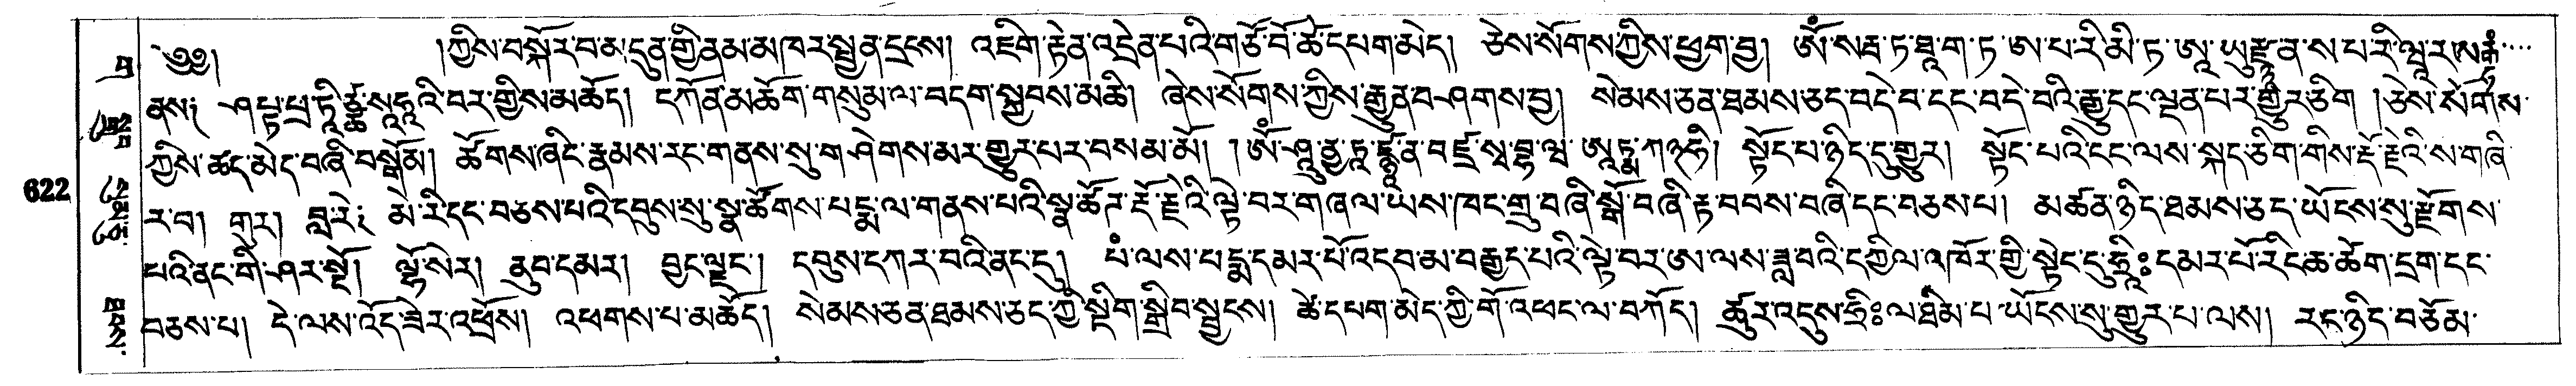༄༅། །ཀྱིས་བསྐོར་བ་མདུན་གྱི་ནམ་མཁར་སྤྱན་དྲངས། འཇིག་རྟེན་འདྲེན་པའི་གཙོ་བོ་ཚེ་དཔག་མེད། ཅེས་སོགས་ཀྱིས་ཕྱག་བྱ། ཨོཾ་སརྦ་ཏ་ཐཱ་ག་ཏ་ཨ་པ་རི་མི་ཏ་ཨཱ་ཡུརྫྙཱ་ན་ས་པ་རི་ཝཱ་ར་ཨརྒྷཾ་
ནས། ཤཔྟ་པྲ་ཏཱི་ཙྪ་སཱཧཱའི་བར་གྱིས་མཆོད། དཀོན་མཆོག་གསུམ་ལ་བདག་སྐྱབས་མཆི། ཞེས་སོགས་ཀྱིས་རྒྱུན་བཤགས་བྱ། སེམས་ཅན་ཐམས་ཅད་བདེ་བ་དང་བདེ་བའི་རྒྱུ་དང་ལྡན་པར་གྱུར་ཅིག །ཅེས་སོགས་
ཀྱིས་ཚད་མེད་བཞི་བསྒོམ། ཚོགས་ཞིང་རྣམས་རང་གནས་སུ་གཤེགས་མར་གྱུར་པར་བསམ་མོ། །ཨོཾ་ཤཱུ་ཉ་ཏཱ་ཛྙཱ་ན་བྫྲ་སྭ་བྷ་ཝ་ཨཱཏྨ་ཀཉཧི། སྟོང་པ་ཉིད་དུ་གྱུར། སྟོང་པའི་ངང་ལས་སྐད་ཅིག་གིས་རྡོ་རྗེའི་ས་གཞི་
ར་བ། གུར། བླ་རེ༑ མེ་རི་དང་བཅས་པའི་དབུས་སུ་སྣ་ཚོགས་པདམ་ལ་གནས་པའི་སྣ་ཚོཌ་རྡོ་རྗེའི་ལྟེ་བར་གཞལ་ཡས་ཁང་གྲུ་བཞི་སྒོ་བཞི་རྟ་བབས་བཞི་དང་བཅས་པ། མཚན་ཉིད་ཐམས་ཅད་ཡོངས་སུ་རྫོགས་
པའི་ནང་གི་ཤར་སྔོ། ལྷོ་སེར། ནུབ་དམར། བྱང་ལྗང་། དབུས་དཀར་བའི་ནང་དུ། པཾ་ལས་པདམ་དམར་པོ་འདབ་མ་བརྒྱད་པའི་ལྟེ་བར་ཨ་ལས་ཟླ་བའི་དཀྱིལ་འཁོར་གྱི་སྟེང་དུ་ཧྲཱིཿ དམར་པོ་རིང་ཆ་ཚེག་དྲག་དང་
བཅས་པ། དེ་ལས་འོད་ཟེར་འཕྲོས། འཕགས་པ་མཆོད། སེམས་ཅན་ཐམས་ཅད་ཀྱི་སྡིག་སྒྲིབ་སྦྱངས། ཚེ་དཔག་མེད་ཀྱི་གོ་འཕང་ལ་བཀོད། ཚུར་འདུས་ཧྲིཿ ལ་ཐིམ་པ་ཡོངས་སུ་གྱུར་པ་ལས། རང་ཉིད་བཅོམ་